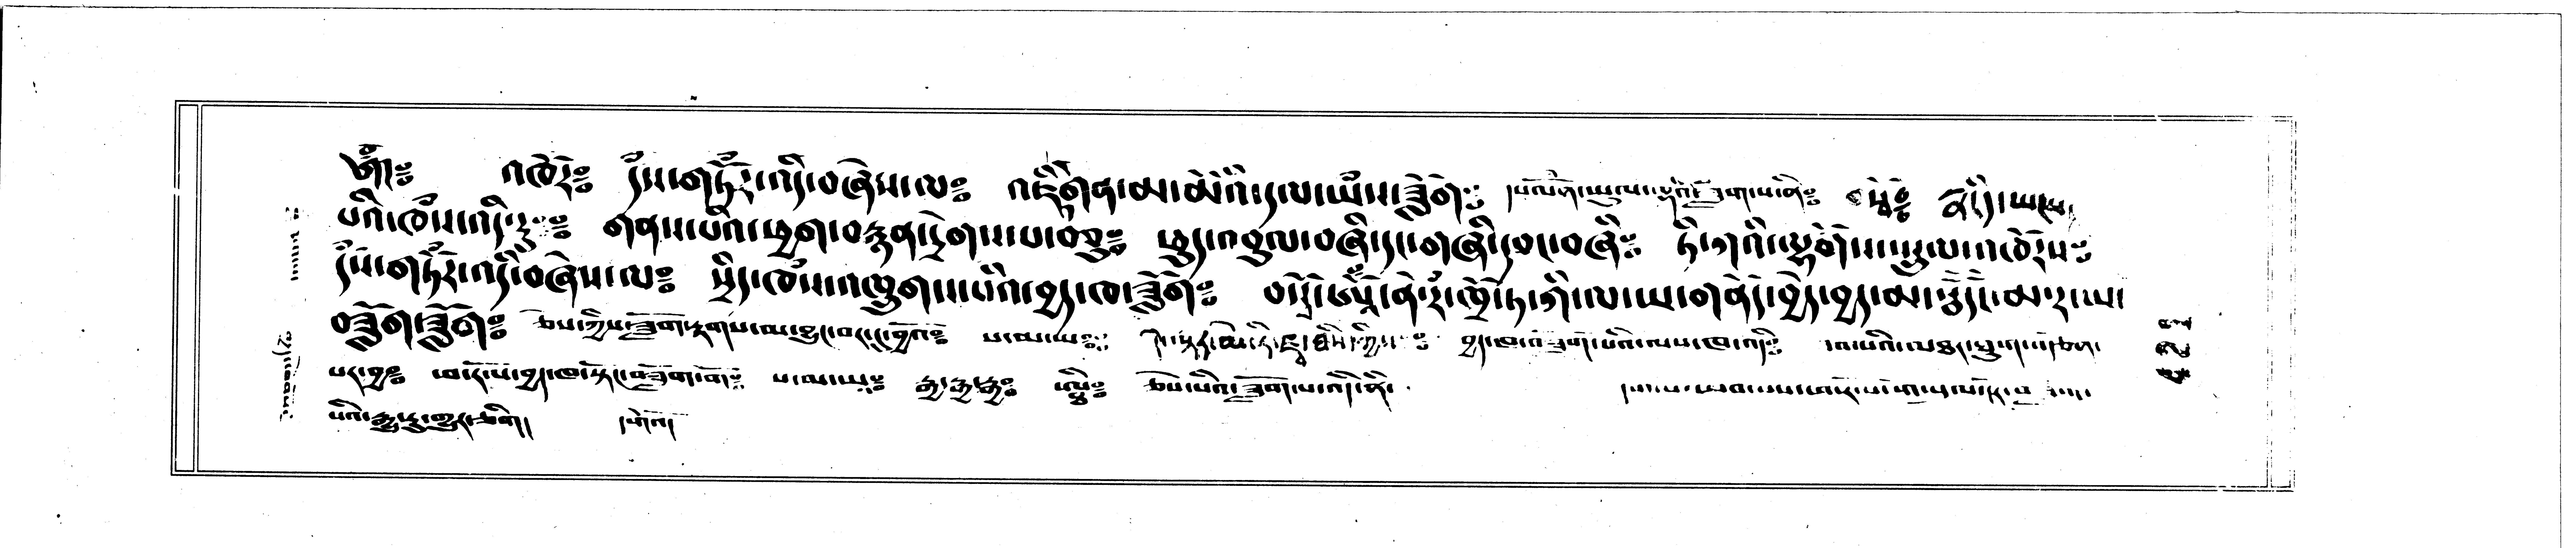འཁོར༔དམ་རྫས་དམར་གཏོར་འདི་བཞེས་ལ༔ འཇིག་རྟེན་མ་མོའི་དལ་ཡཾས་ཟློག༔དཔལ་མགོན་ཡུལ་ལྷའི་ཟློག་པ་ནི༔བསྭོ༔སྣང་སྲིད་ཡངས་
པའི་ཁམས་འདི་རུ༔གནས་པའི་ཕྱག་བརྙན་དྲེགས་པ་བཅུ༔ཕུད་འབུལ་བཞི་དང་གཞི་དབང་བཞི༔ཏི་ཀའི་ལྷ་ཚོགས་སྤྲུལ་འཁོར་བཅས༔
དམ་རྫས་དམར་གཏོར་འདི་བཞེས་ལ༔ སྲིད་ཁམས་འཁྲུགས་པའི་བྱད་ཁ་ཟློག༔ བསྭོ་ཨཱོཾ་ནེ་རཾ་ཁྲོ་ཏ་ཀི་ལ་ཡ་གནོད་བྱེད་མ་སྦོད་གཏོང་མ་ར་ཡ་
བཟློག་བཟློག༔ཅེས་ཀྱིས་ཟློག་རྟགས་མ་བྱུང་བར་དུ་བྱའོ༔ས་མ་ཡ༔དེ་ལྟར་མེ་རི་ཛྭ་ཝིས་ཀྱིས༔བྱད་ཁ་ཟློག་པའི་ལས་ཁ་འདི༔ ཟབ་པའི་མཐར་ཐུག་བརྩོན་
པར་བྱ༔ཕ་རོལ་བྱད་ཁ་སྟོང་བཟློག་གོ༔ས་མ་ཡ༔རྒྱ་རྒྱ་རྒྱ༔ཨྠི༔ཅེས་པའི་ཟློག་པ་འདི་ནི་༼༽དག་པ་ཕབ་པས་ཕ་རོལ་གཡུལ་ངོར་བཟློག་པའི་རྒྱུ་རུ་གྱུར་ཅིག དགེའོ།